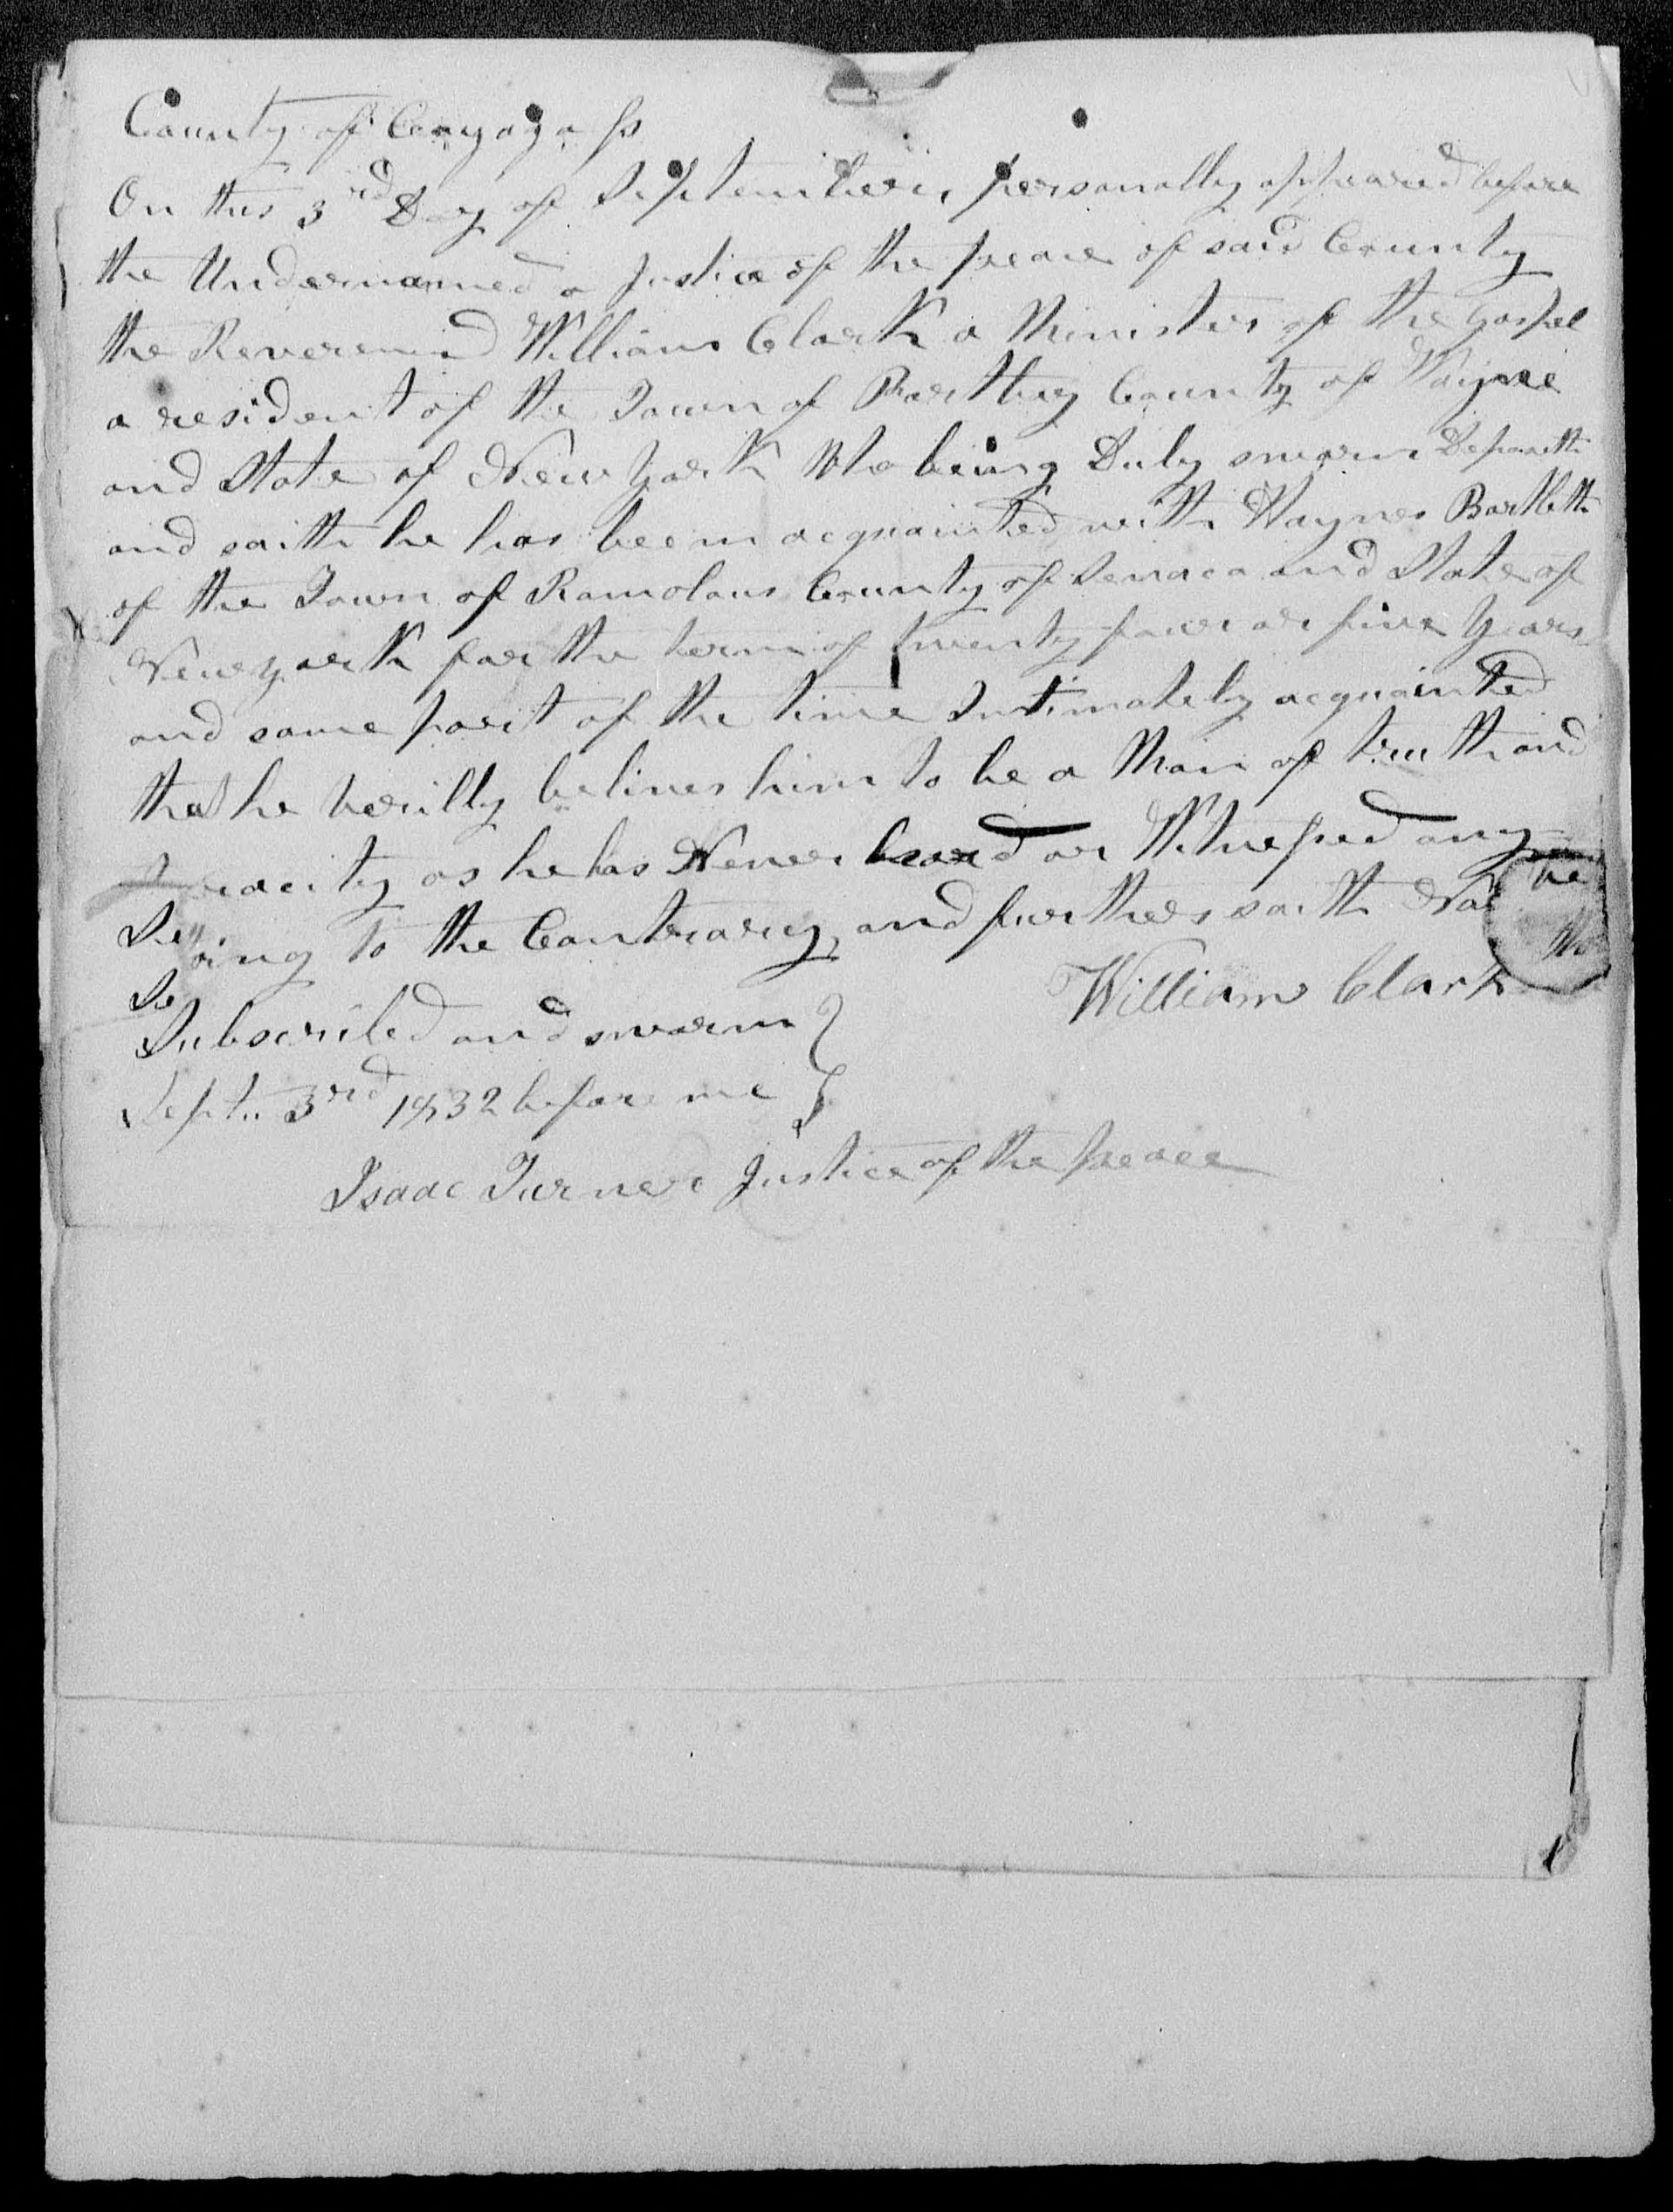County of Cayuga Js
On this 3rd day of September personally appeared before the undernamed + Justice of the peace of said county the Reverend William  Clark a Minister of the gospel a resident of the town of Parthey county of Wayne and State of New York who being duly sworn deposeth and saith he has been acquainted with Hanes Bartlett of the town of Romulus county of Seneca and State of New York for the term of twenty four of five years and same part of the time intimately acquainted that he verily believes him to be a man of truth and veracity as he has never heard or witnessed any thin to the contrary and further saith not
William Clark
Subscribed and sworn Sept 3rd 1832 before me 
Isaac Turner Justice of the Peace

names: Haynes Bartlett, William Clark, Isaac Turner, William Clark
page: 19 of 26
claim: survivor's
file: S. 12,291, Jesse Brewster, New York